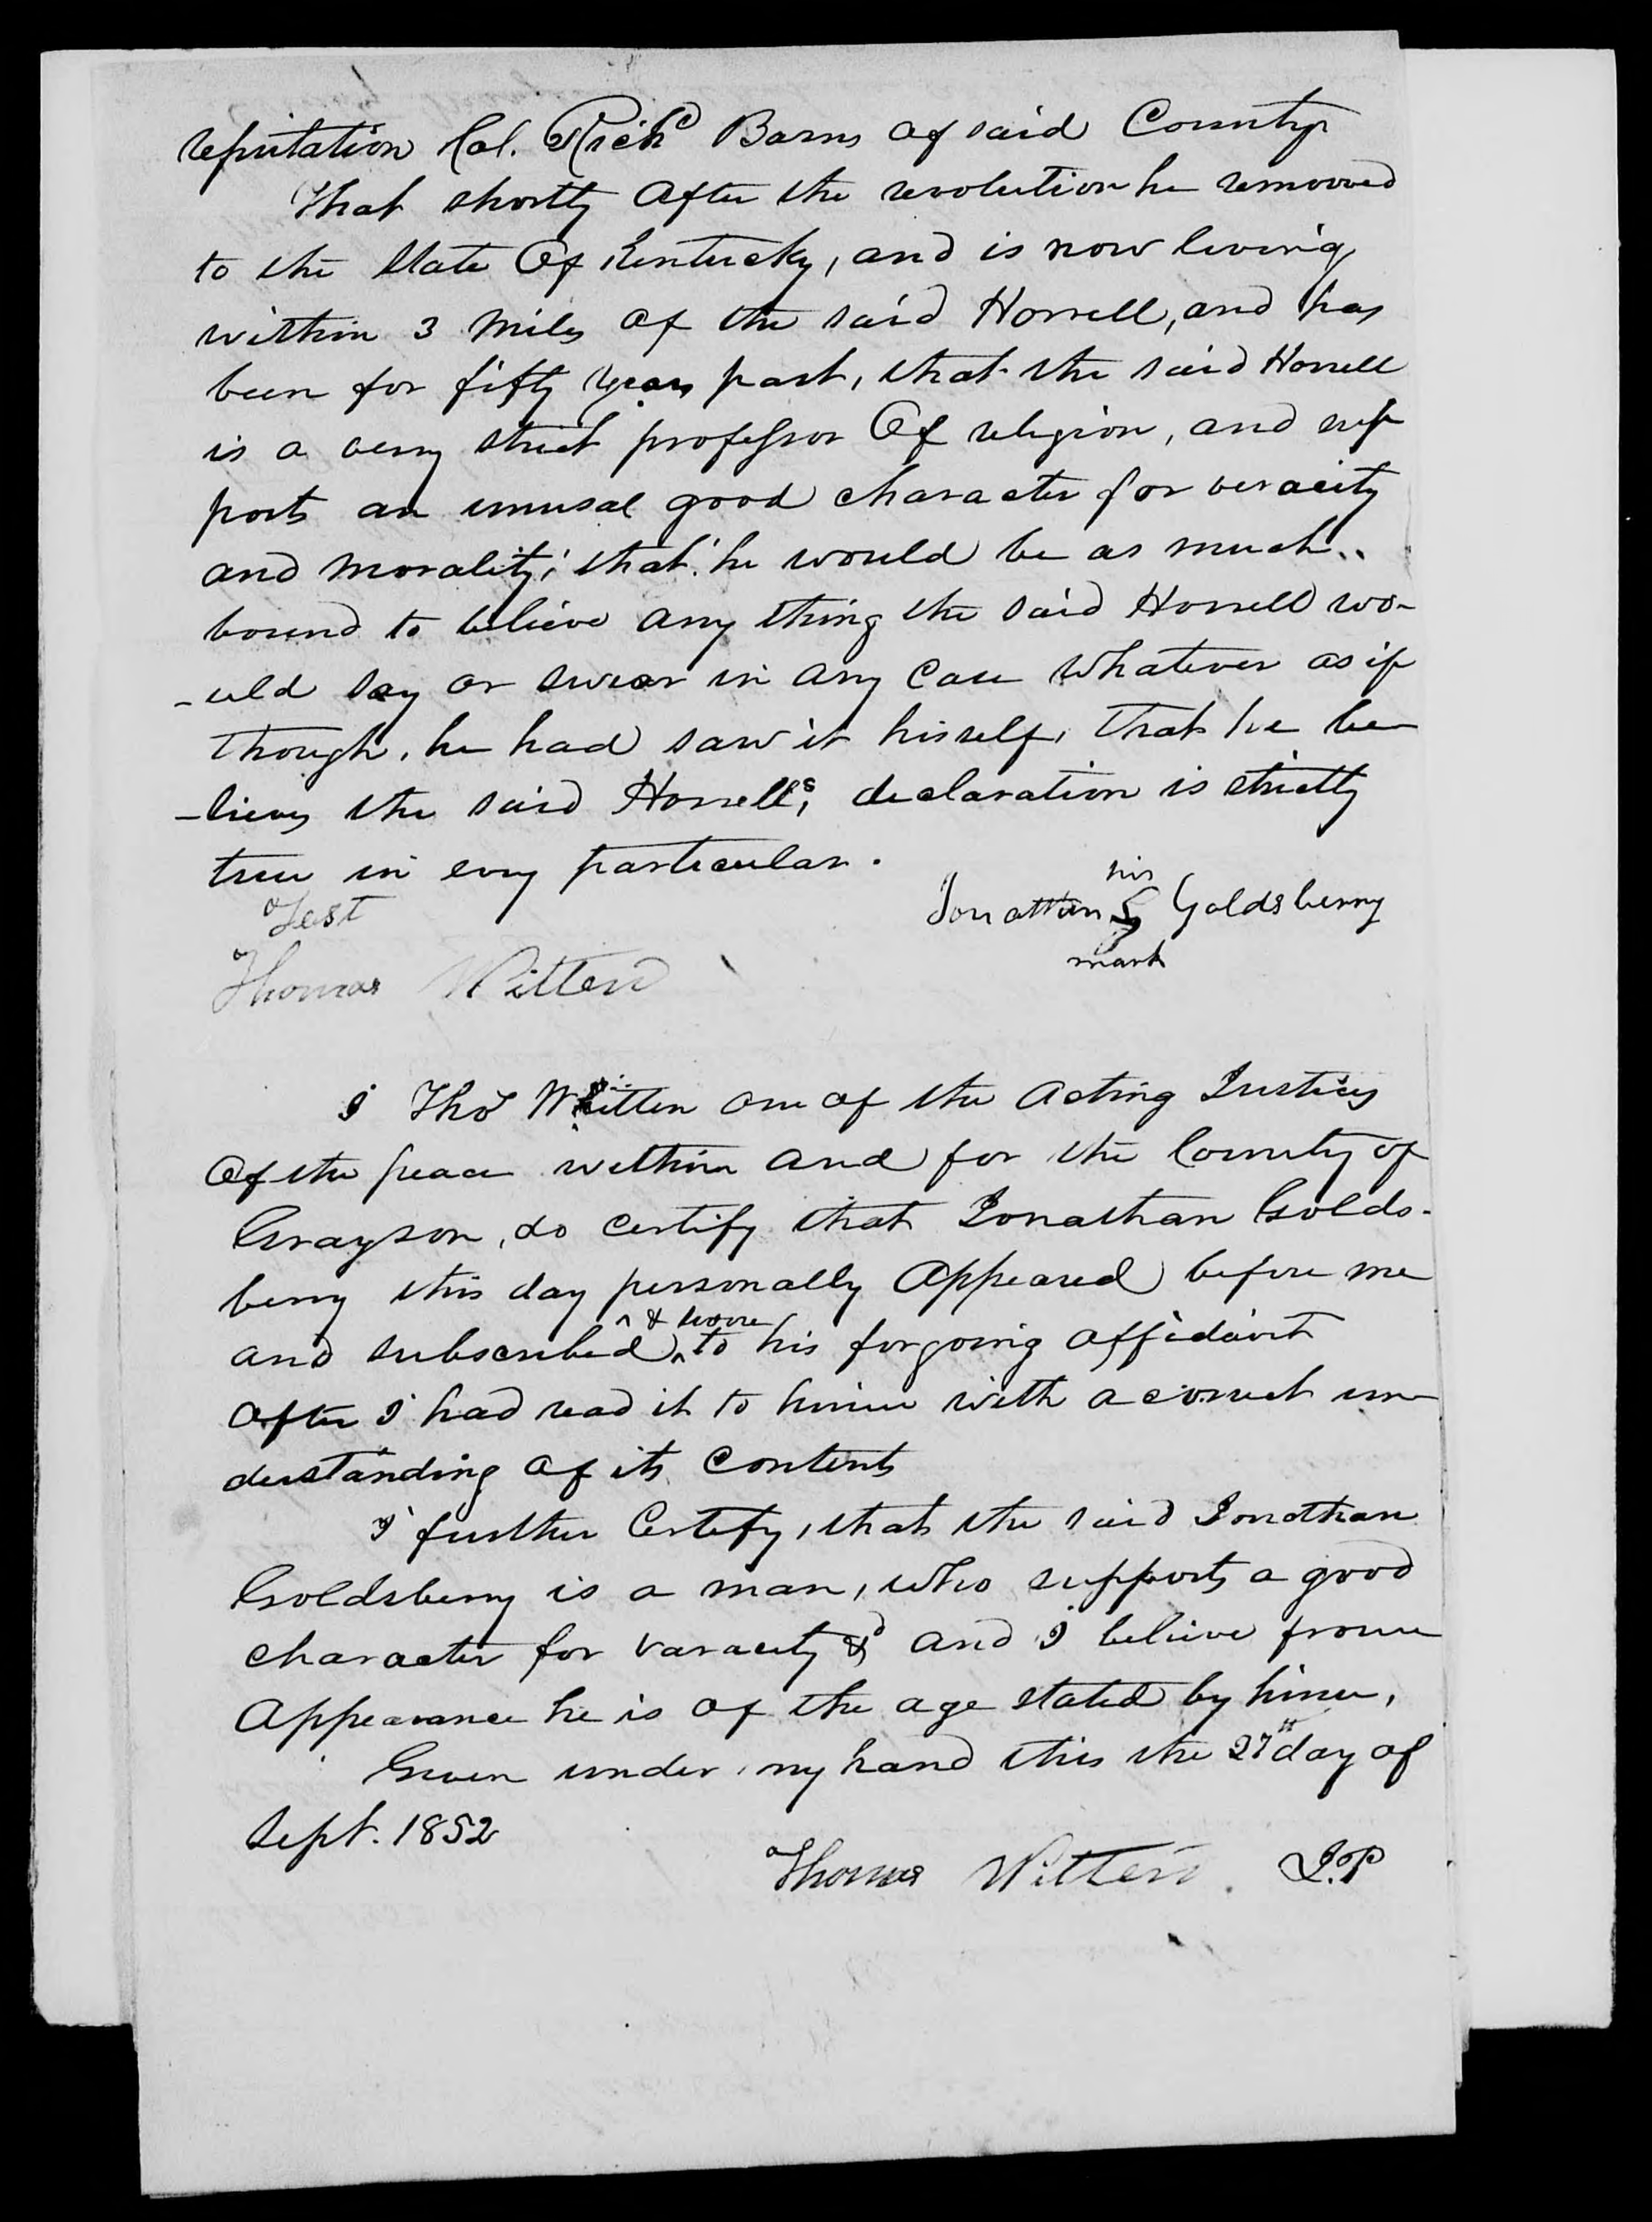reputation Col Rich'd Barns of said county.
That shortly after the revolution he removed to the state of Kentucky, and is now living within 3 miles of the said Horrell, and has been for fifty years past, that the said Horrell is a very strict professor of religion, and supports an unusual good character for veracity and morality; that he would be as much bound to believe any thing the said Horrell would say or swear in any Case whatever as if though, he had saw it himself, that he believes that said Horrell's declaration is strictly true in every particular.
[right] his
[right] Johnathan    X   Goldsberry [X being his mark in lieu of signature]
[right] mark

Test
[signed]Thomas Witten

I Thos. Witten one of the acting Justices of the Peace within and for the County of Grayson do Certify that Jonathan Goldsberry this day personally Appeared before me and subscribed & swore to his foregoing Affidavit after I had read it to him with a correct understanding of its contents.
I further Certify that the said Jonathan Goldsberry is a man who supports a good character for veracity & I believe from appearance he is of the age stated by him.
Given under my hand this the 27th of Sept 1852.

[signed] Thomas Witten  J. P.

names: Richd Barns, Jonathan Goldsberry, Thomas Witten, Thos Witten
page: 6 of 15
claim: rejected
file: R. 5234, Henry B Horrell, Md.